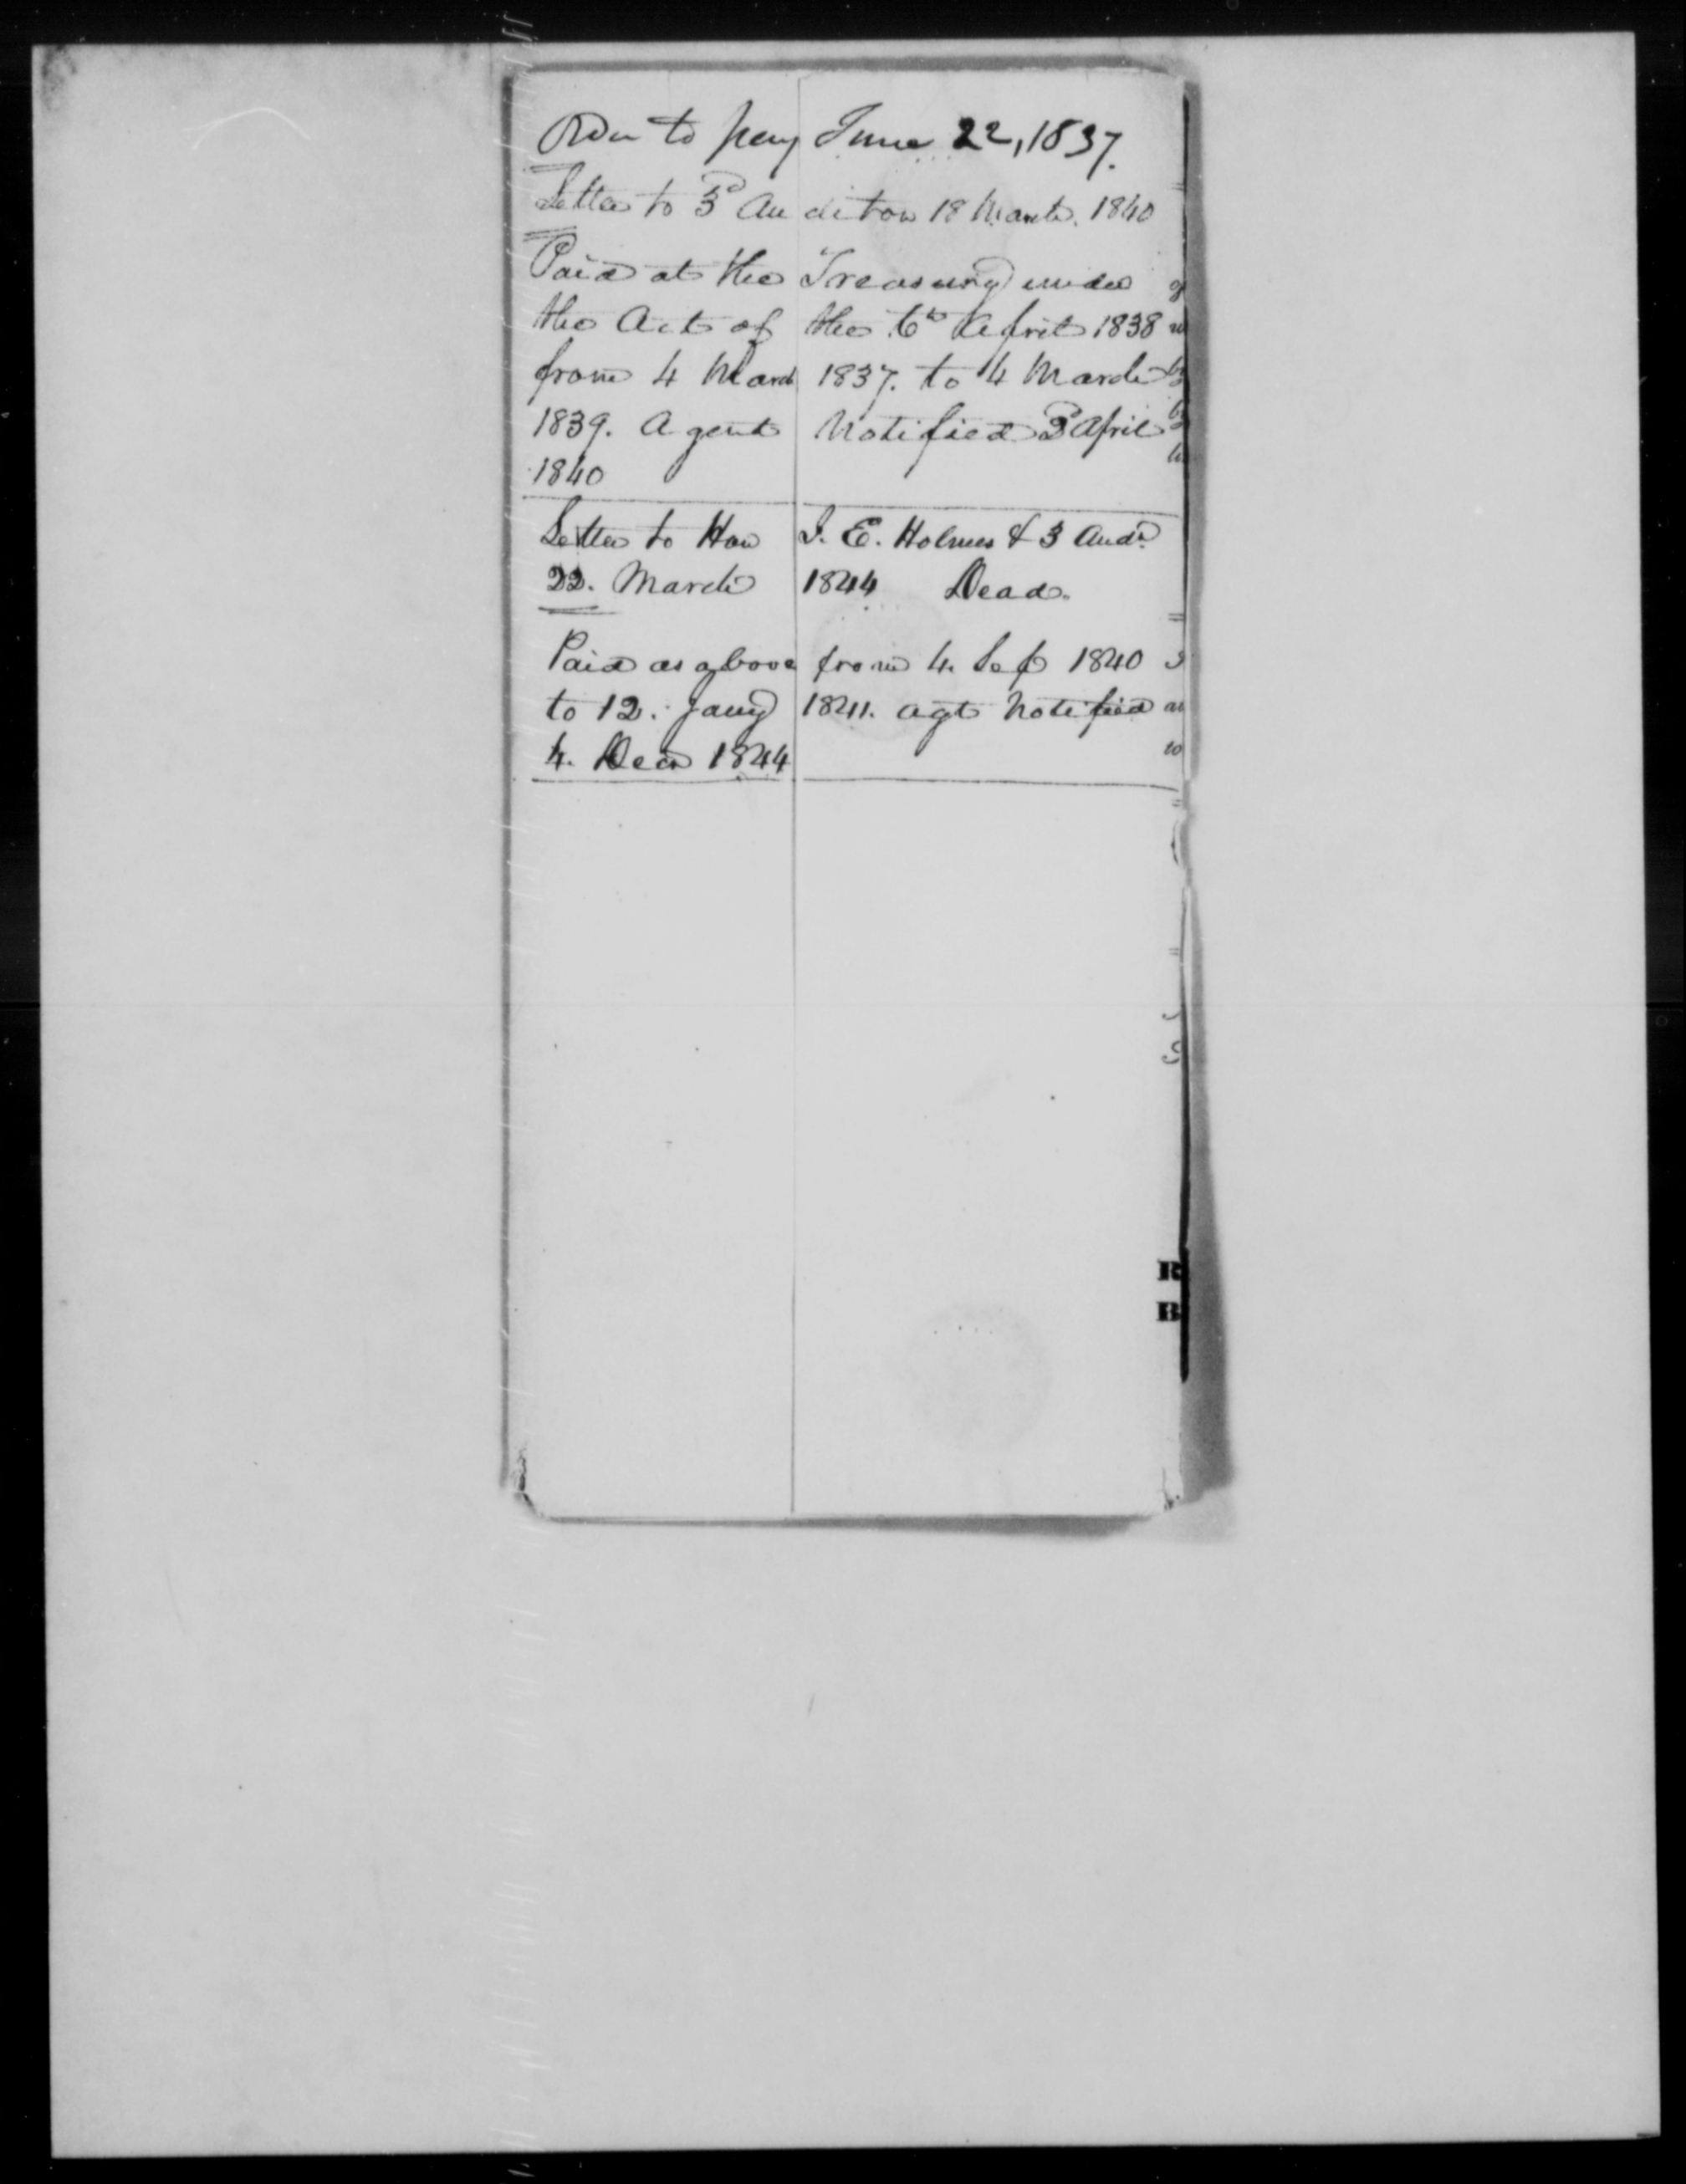Order to pay June 22, 1837.
Letter to 3d Auditor 18 March 1840
Paid at the Treasury under the Acts of the 6th April 1838 from 4 March 1837. to 4 March 1839. Agent Notified 2d April 1840
Letter to Hon J. E. Holmes & 3 Audr. 22. March 1844 Dead.
Paid as above from 4. Sept 1840 to 12. Jany 1841. agt Notificed 4 Decr 1844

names: J E Holmes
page: 5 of 81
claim: widow's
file: W. 5183, Bolling Wright, Va.